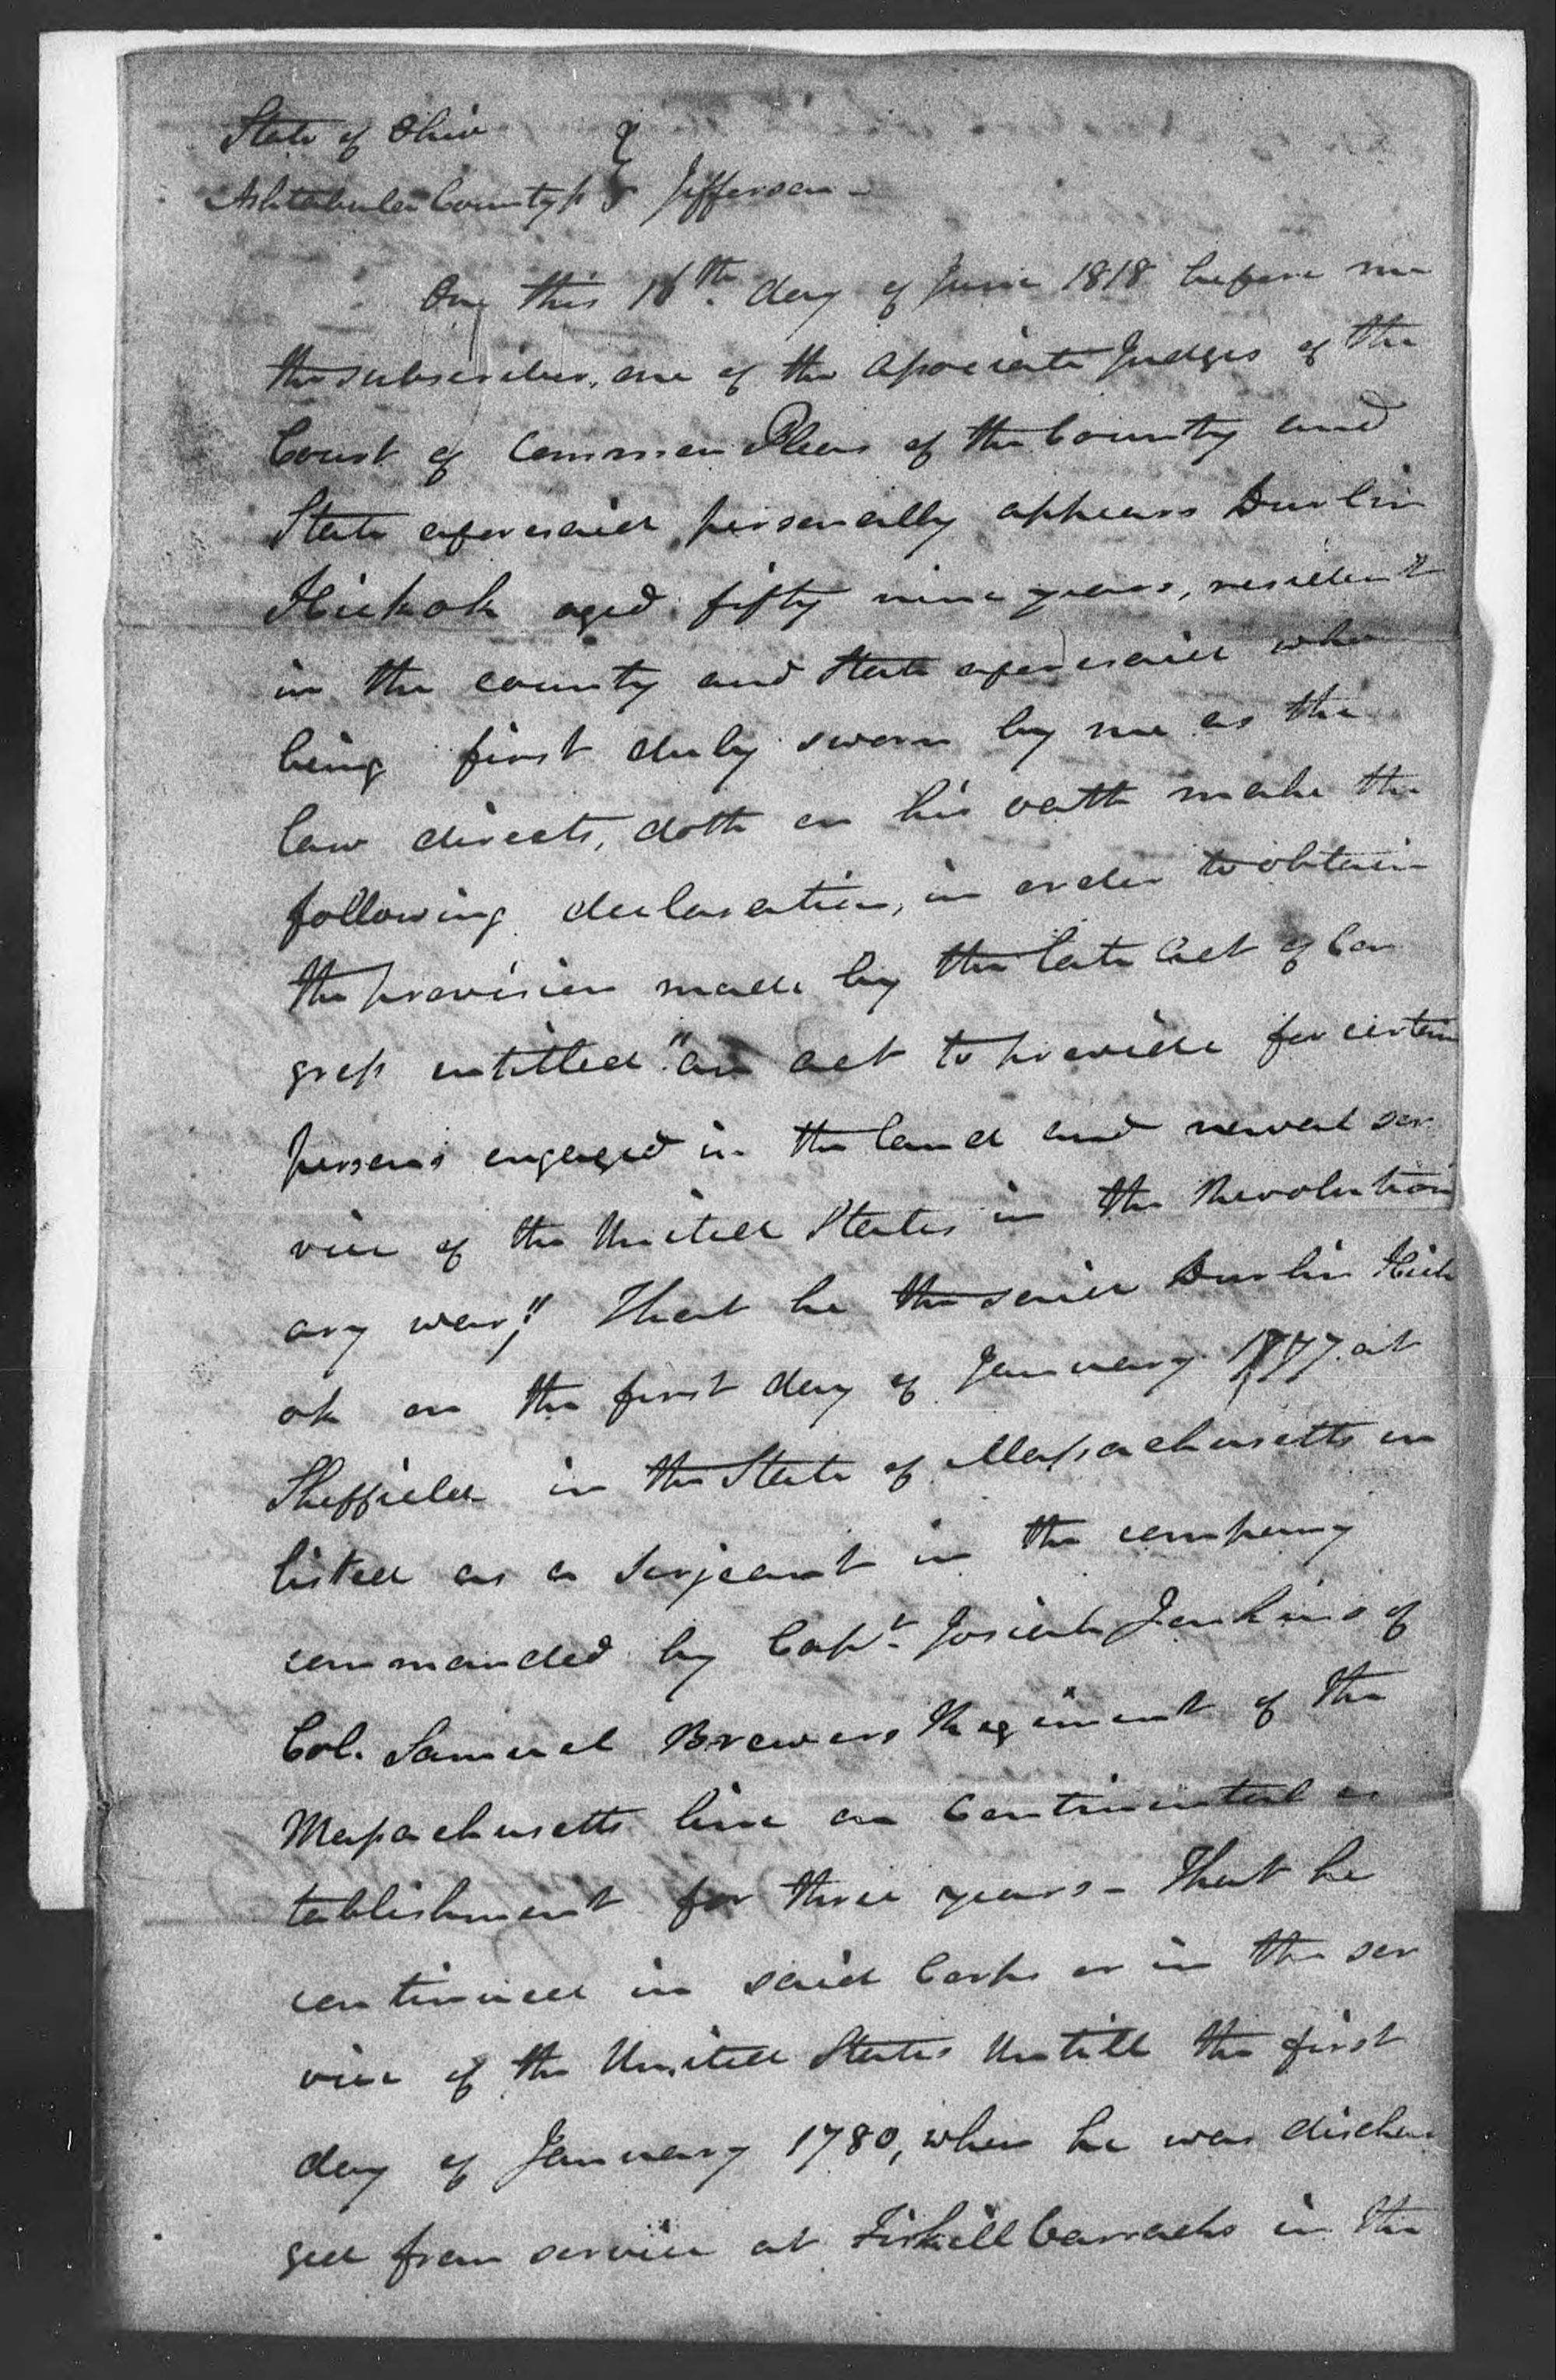State of Ohio
Ashtabula County } Jefferson

On this 16th day of June 1818 before me the subscriber, one of the associate Judges of the Court of Common Pleas of the County and State aforesaid, personally appears Durlin Hickok aged fifty nine years, resident in the county and State aforesaid who being first duly sworn by me as the law directs, doth on his oath make the following declaration, in order to obtain the provision made by the late Act of Congress entitled "an act to provide for certain persons engaged in the land and naval service of the United States in the Revolutionary War" that he the said Durlin Hickok on the first day of January 1777 at Sheffield in the State of Massachusetts enlisted as a Serjeant [sergeant] in the company commanded by Captain Josiah Jenkins of Colonel Samuel Brewers Regiment of the Massachusetts line in Continental establishment for three years - That he continued in said Comp or in the service of the United States untill the first day of January 1780, when he was discharged from service at Fishkill barracks in the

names: Durlin Hickok, Josiah Jenkins, Durlin Hickok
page: 32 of 45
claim: widow's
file: W. 4988, Durlin Hickok, Mass.